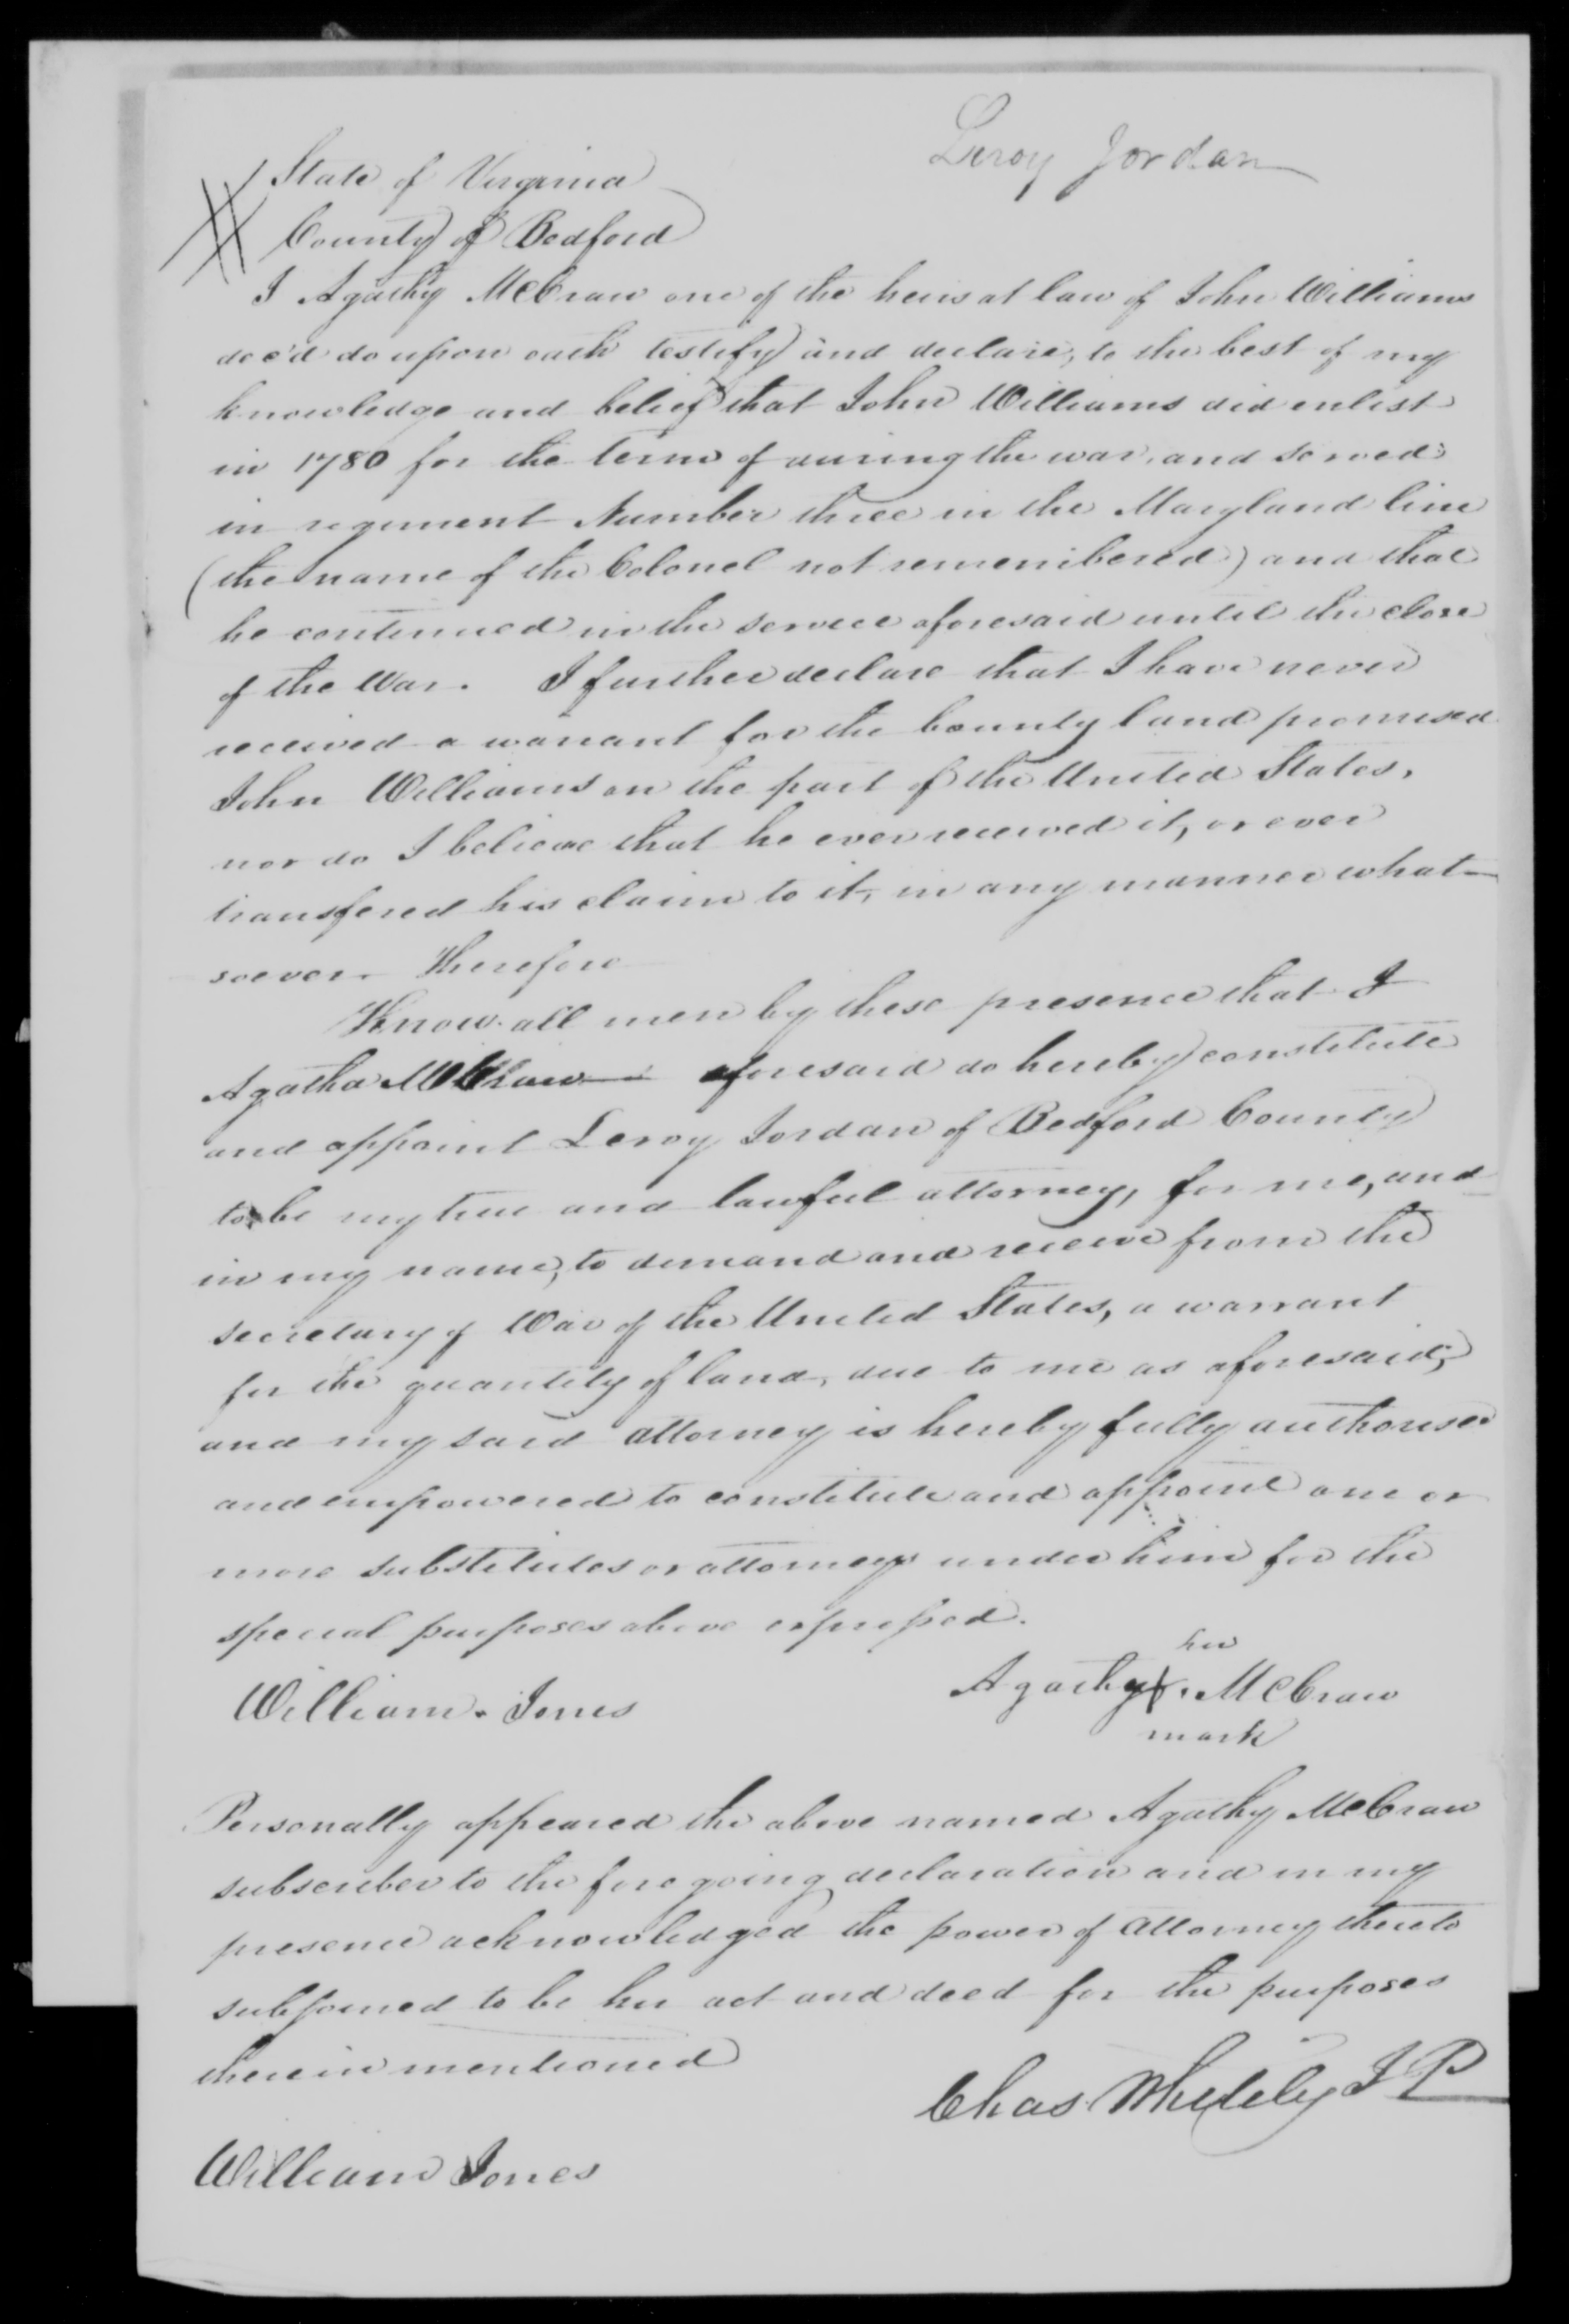Leroy Jordan

State of Virginia
County of Bedford

I Agathy McCraw one of the heirs at law of John Williams
dec'd do upon oath testify and declare to the best of my
knowledge and belief that John Williams did enlist
in 1780 for the term of during the war, and served
in regiment Number three in the Maryland line
(the name of the Colonel not remembered) and that
he continued in the service aforesaid until the close
of the War. I further declare that I have never
received a warrant for the bounty land promised
John Williams on the part of the United States,
nor do I believe that he ever received it, or ever
transferred his claim to it, in any manner whatsoever
Therefore
I know all men by these presence that I
Agatha McCraw aforesaid do hereby constitute
and appoint Leroy Jordan of Bedford County
to be my true and lawful attorney, for me, and
in my name, to demand and receive from the
Secretary of War of the United States, a warrant
for the quantity of land, due to me as aforesaid;
and my said attorney is hereby fully authorised
and empowered to constitute and appoint one or
more Substitutes or attorneys under him for the
special purposes above expressed.
William Jones
Agathy X ^her mark^ McCraw

Personally appeared the above named Agathy McCraw
subscriber to the foregoing declaration and in my
presence acknowledged the power of attorney thereto
subjoined to be her act and deed for the purposes
therein mentioned
Chas Whitely JP
William Jones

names: Agathy Mc Craw, Leroy Jordan, Chas Whitely, John Williams, William Jones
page: 6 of 8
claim: bounty land warrant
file: B. L. Wt. 1363-100, John Williams, Md.